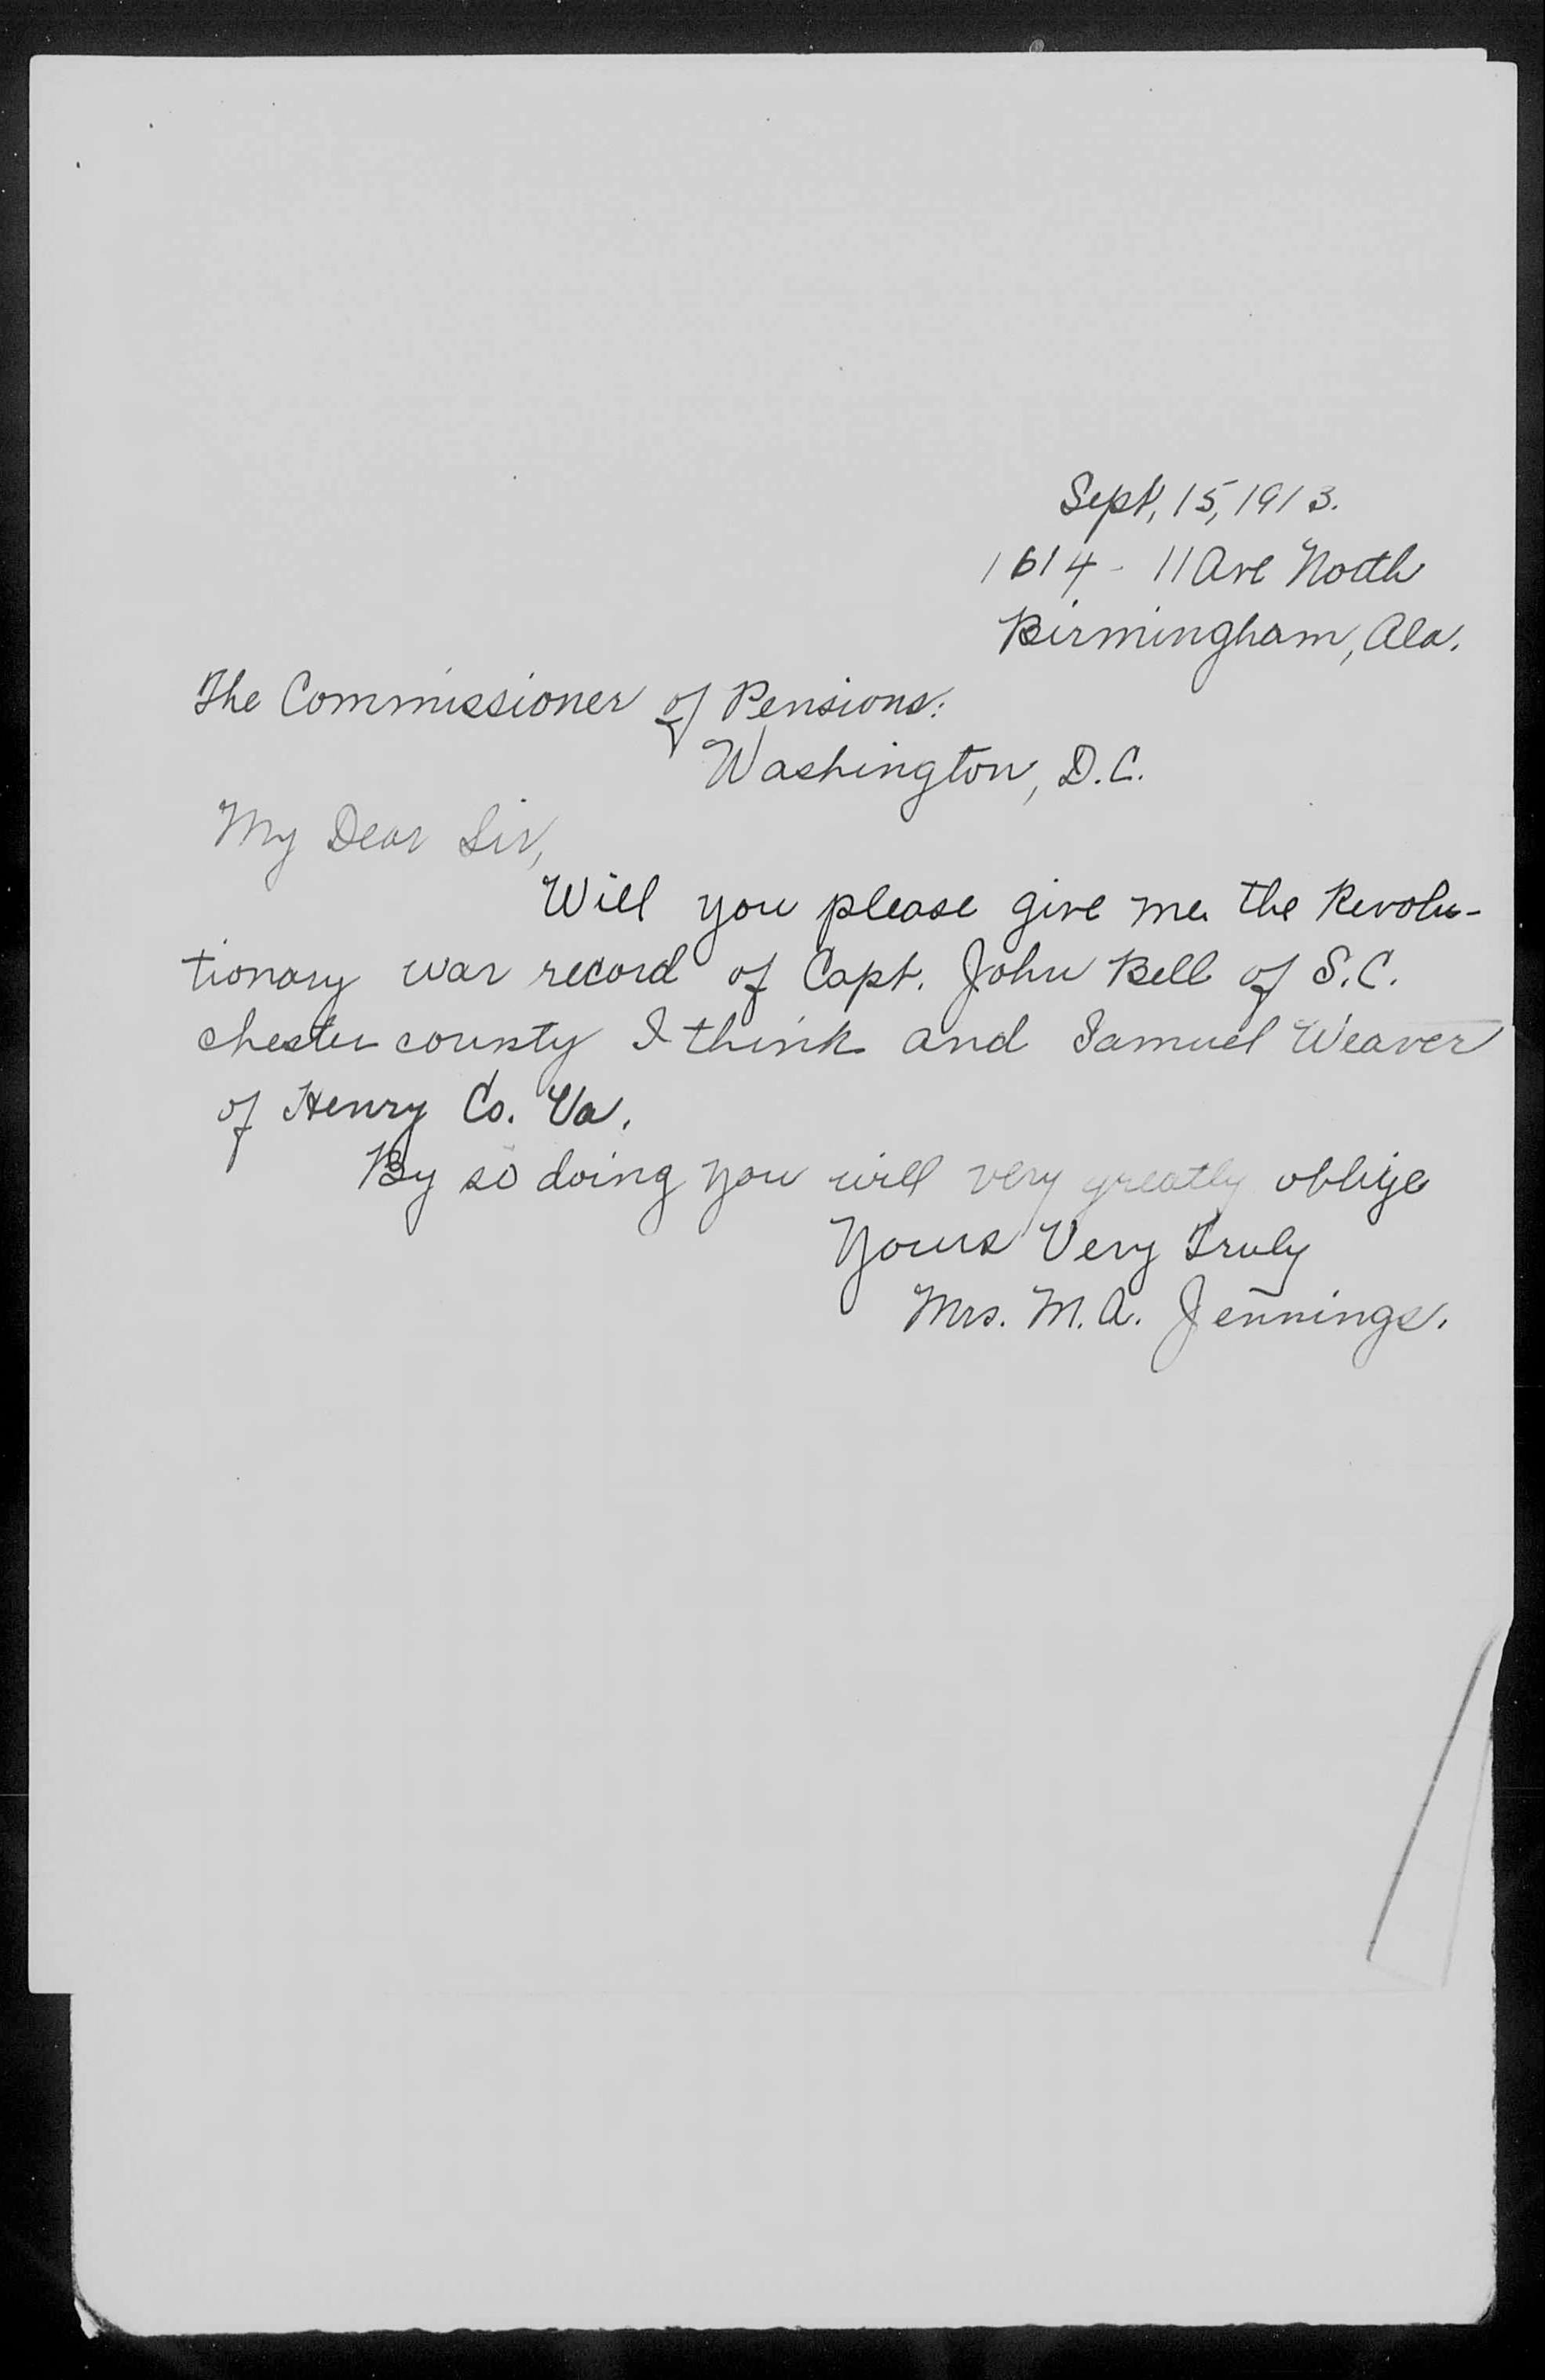Sept. 15, 1912 1614 11th Ave. North Birmingham, Ala.  The Commissioner of Pensions  Washington  D.C.  My Dear Sir, Will you please give me the Revolutionary war record of Capt. John Bell  of S.C.  Chester county  I think  and Samuel Weaver of Henry Co., Va.  By doing so you will greatly oblige Yours Very Truly  Mrs. M. A. Jennings.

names: John Bell, M A Jennings, Samuel Weaver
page: 13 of 23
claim: survivor's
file: S. 21068, John Bell, Ga. N. C. S. C.